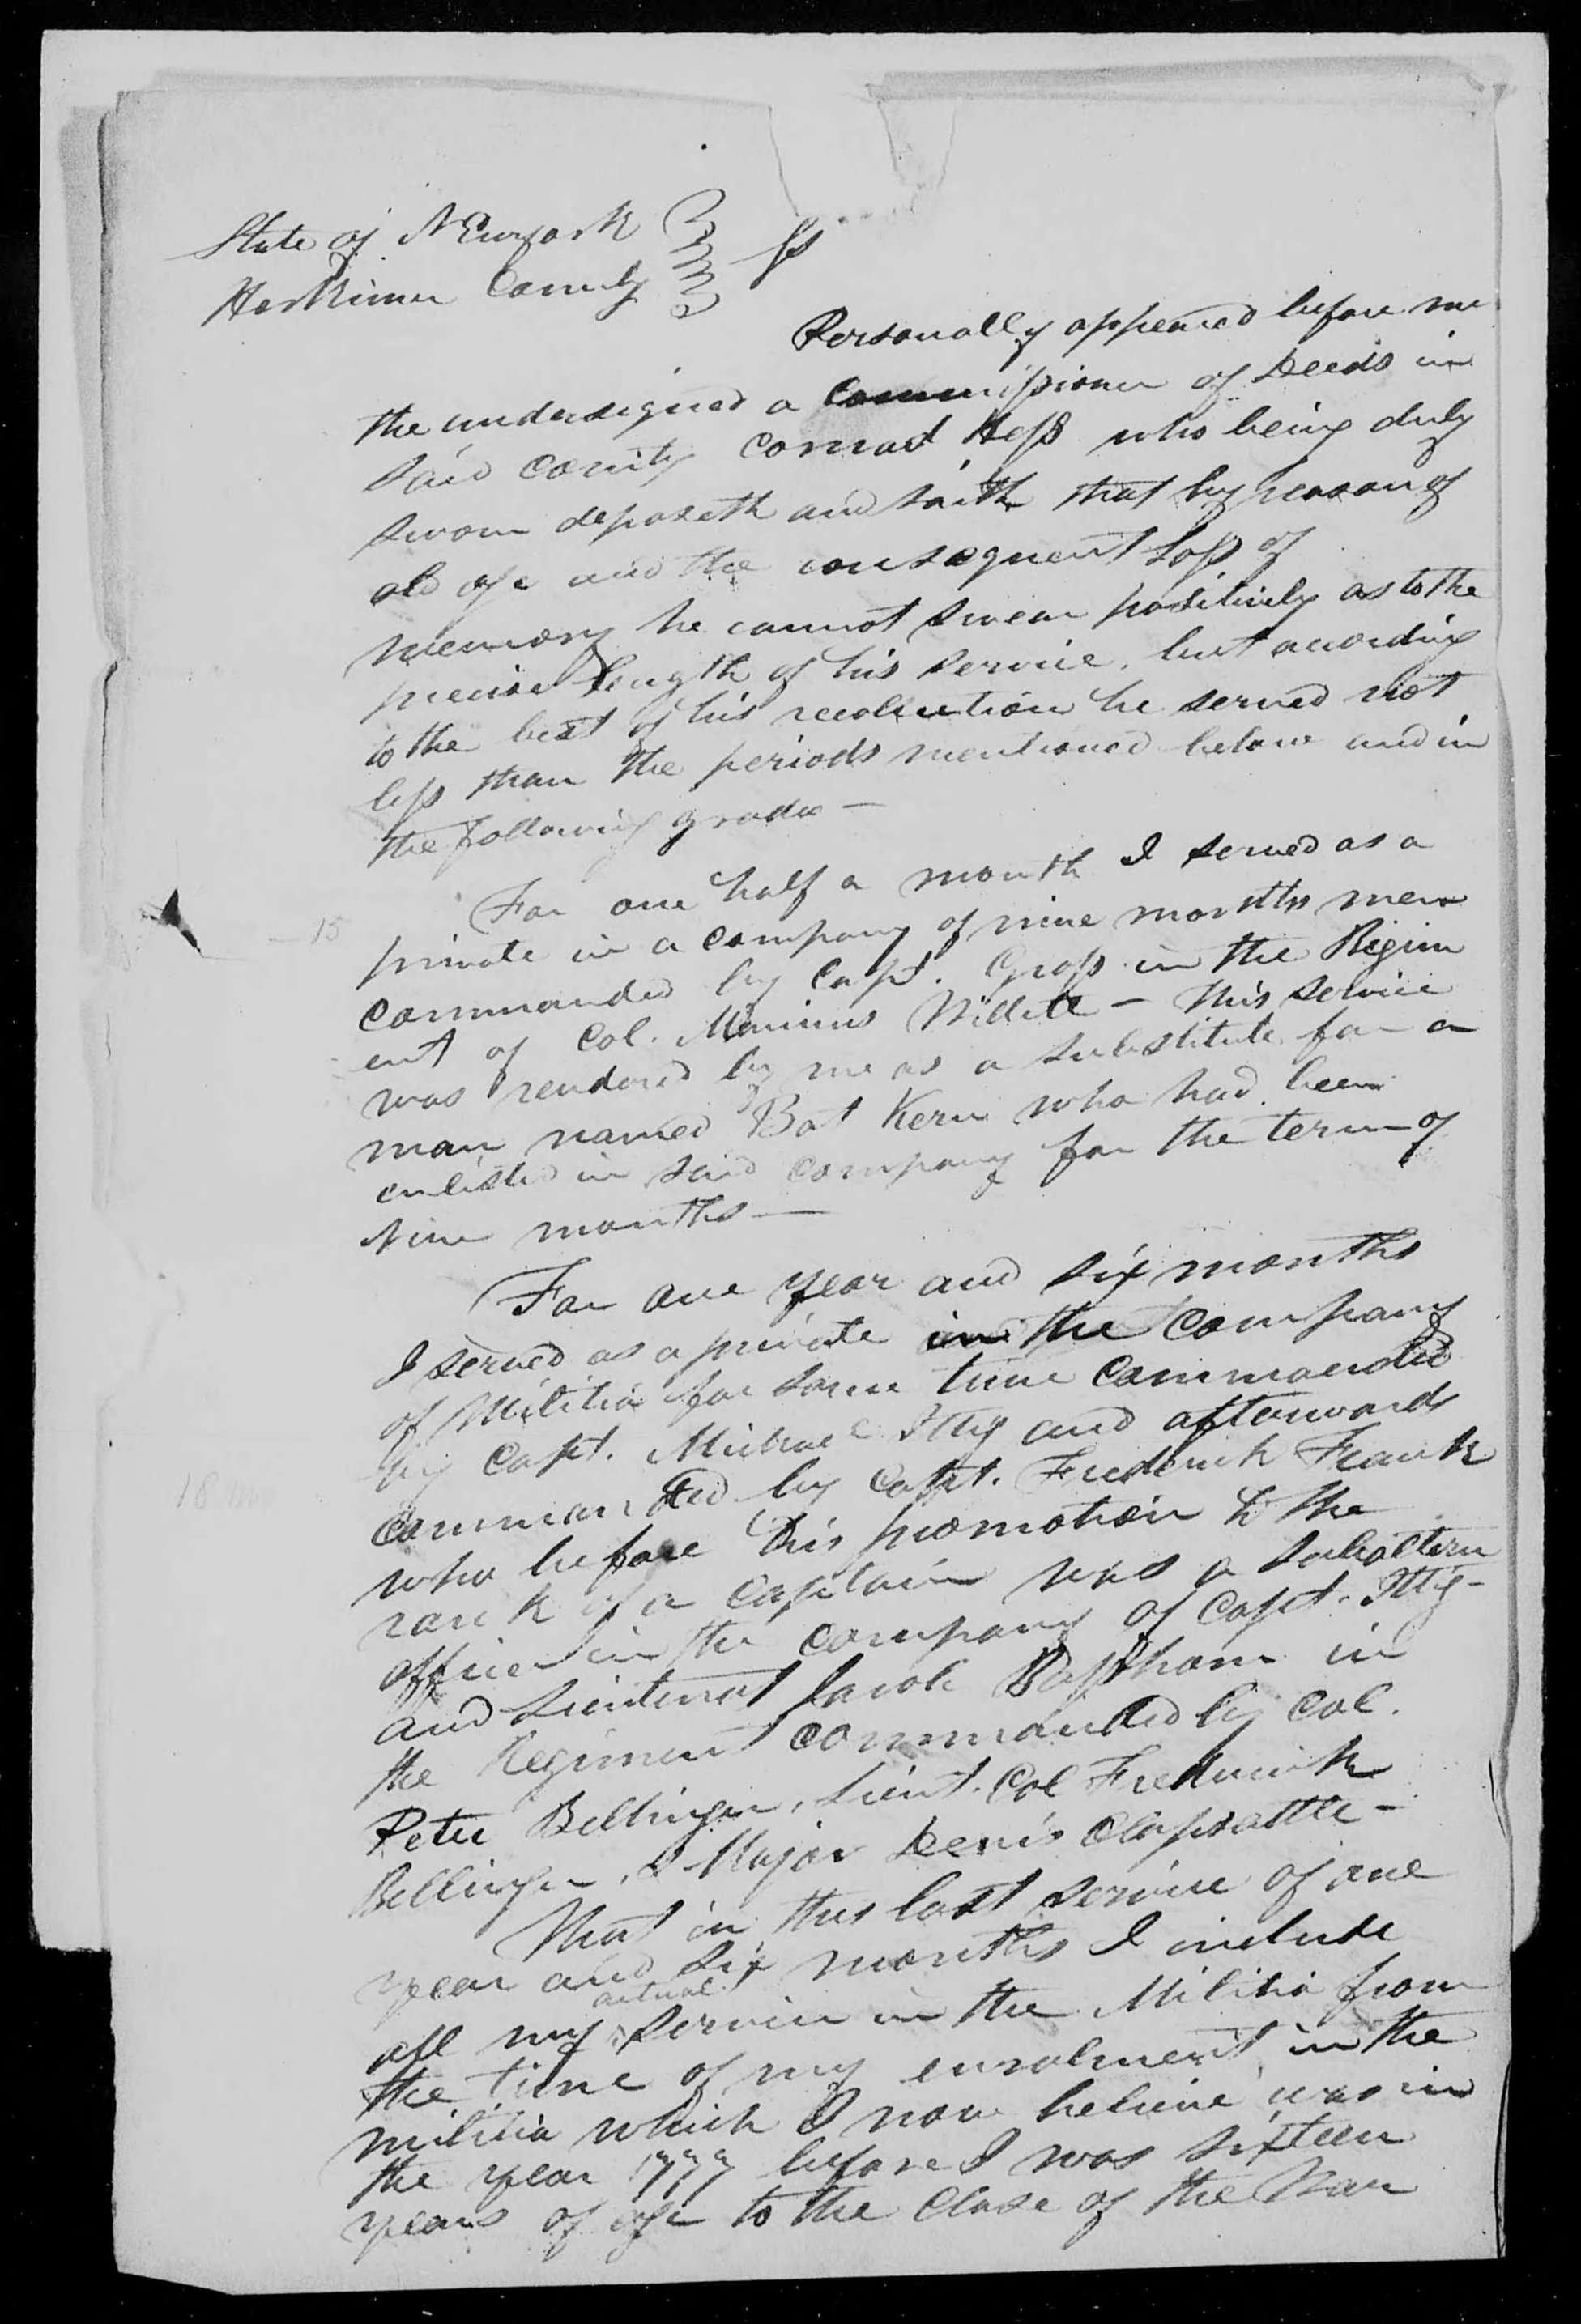[handwritten]

State of New York}
Herkimer County } SS.
Personally appeared before me the undersigned a commissioner of deeds in said county Conrad Hess who being duly sworn deposeth and saith that by reason of old age and the consequence loss of memory he cannot swear positively as to the precise length of his service, but according to the best of his recollection he served not less than the periods mentioned below and in the following grades -
for one half a month I served as a private in a company of nine mostly men commanded by Capt. Gross in the Regiment of Col. Marinus Willett - This service was rendered by me as a substitute for a  man named Bot Kern who had been enlisted in said company for the term of nine months -
For one year and six months I served as a private in the company of militia for some time commanded by Capt. Michael C Itty and afterwards commanded by Capt. Frederick Frank who before his promotion to the rank of a captain was a labaltern officer in the company of Capt. Itty - and Lieutenant Jacob Bassham in the Regiment commanded by Col. Peter Bellinger, Lieut. Col Frederick Bellinger, & Major Denis Clapsattle - 
That in this last service of one year and six months I include all my service in the militia from the time of my enrolment [sic] in the militia which I now believe was in the year 1777 before I was 16 years of age to the close of the War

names: Jacob Bassham, Peter Bellinger, Michael Ittig, Bot Kern, Frederick Frank, Gross, Denis Clapsattle, Conrad Hess, Frederick Bellinger, Ittig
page: 23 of 30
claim: rejected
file: R. 4927, Conrad Hess, New York